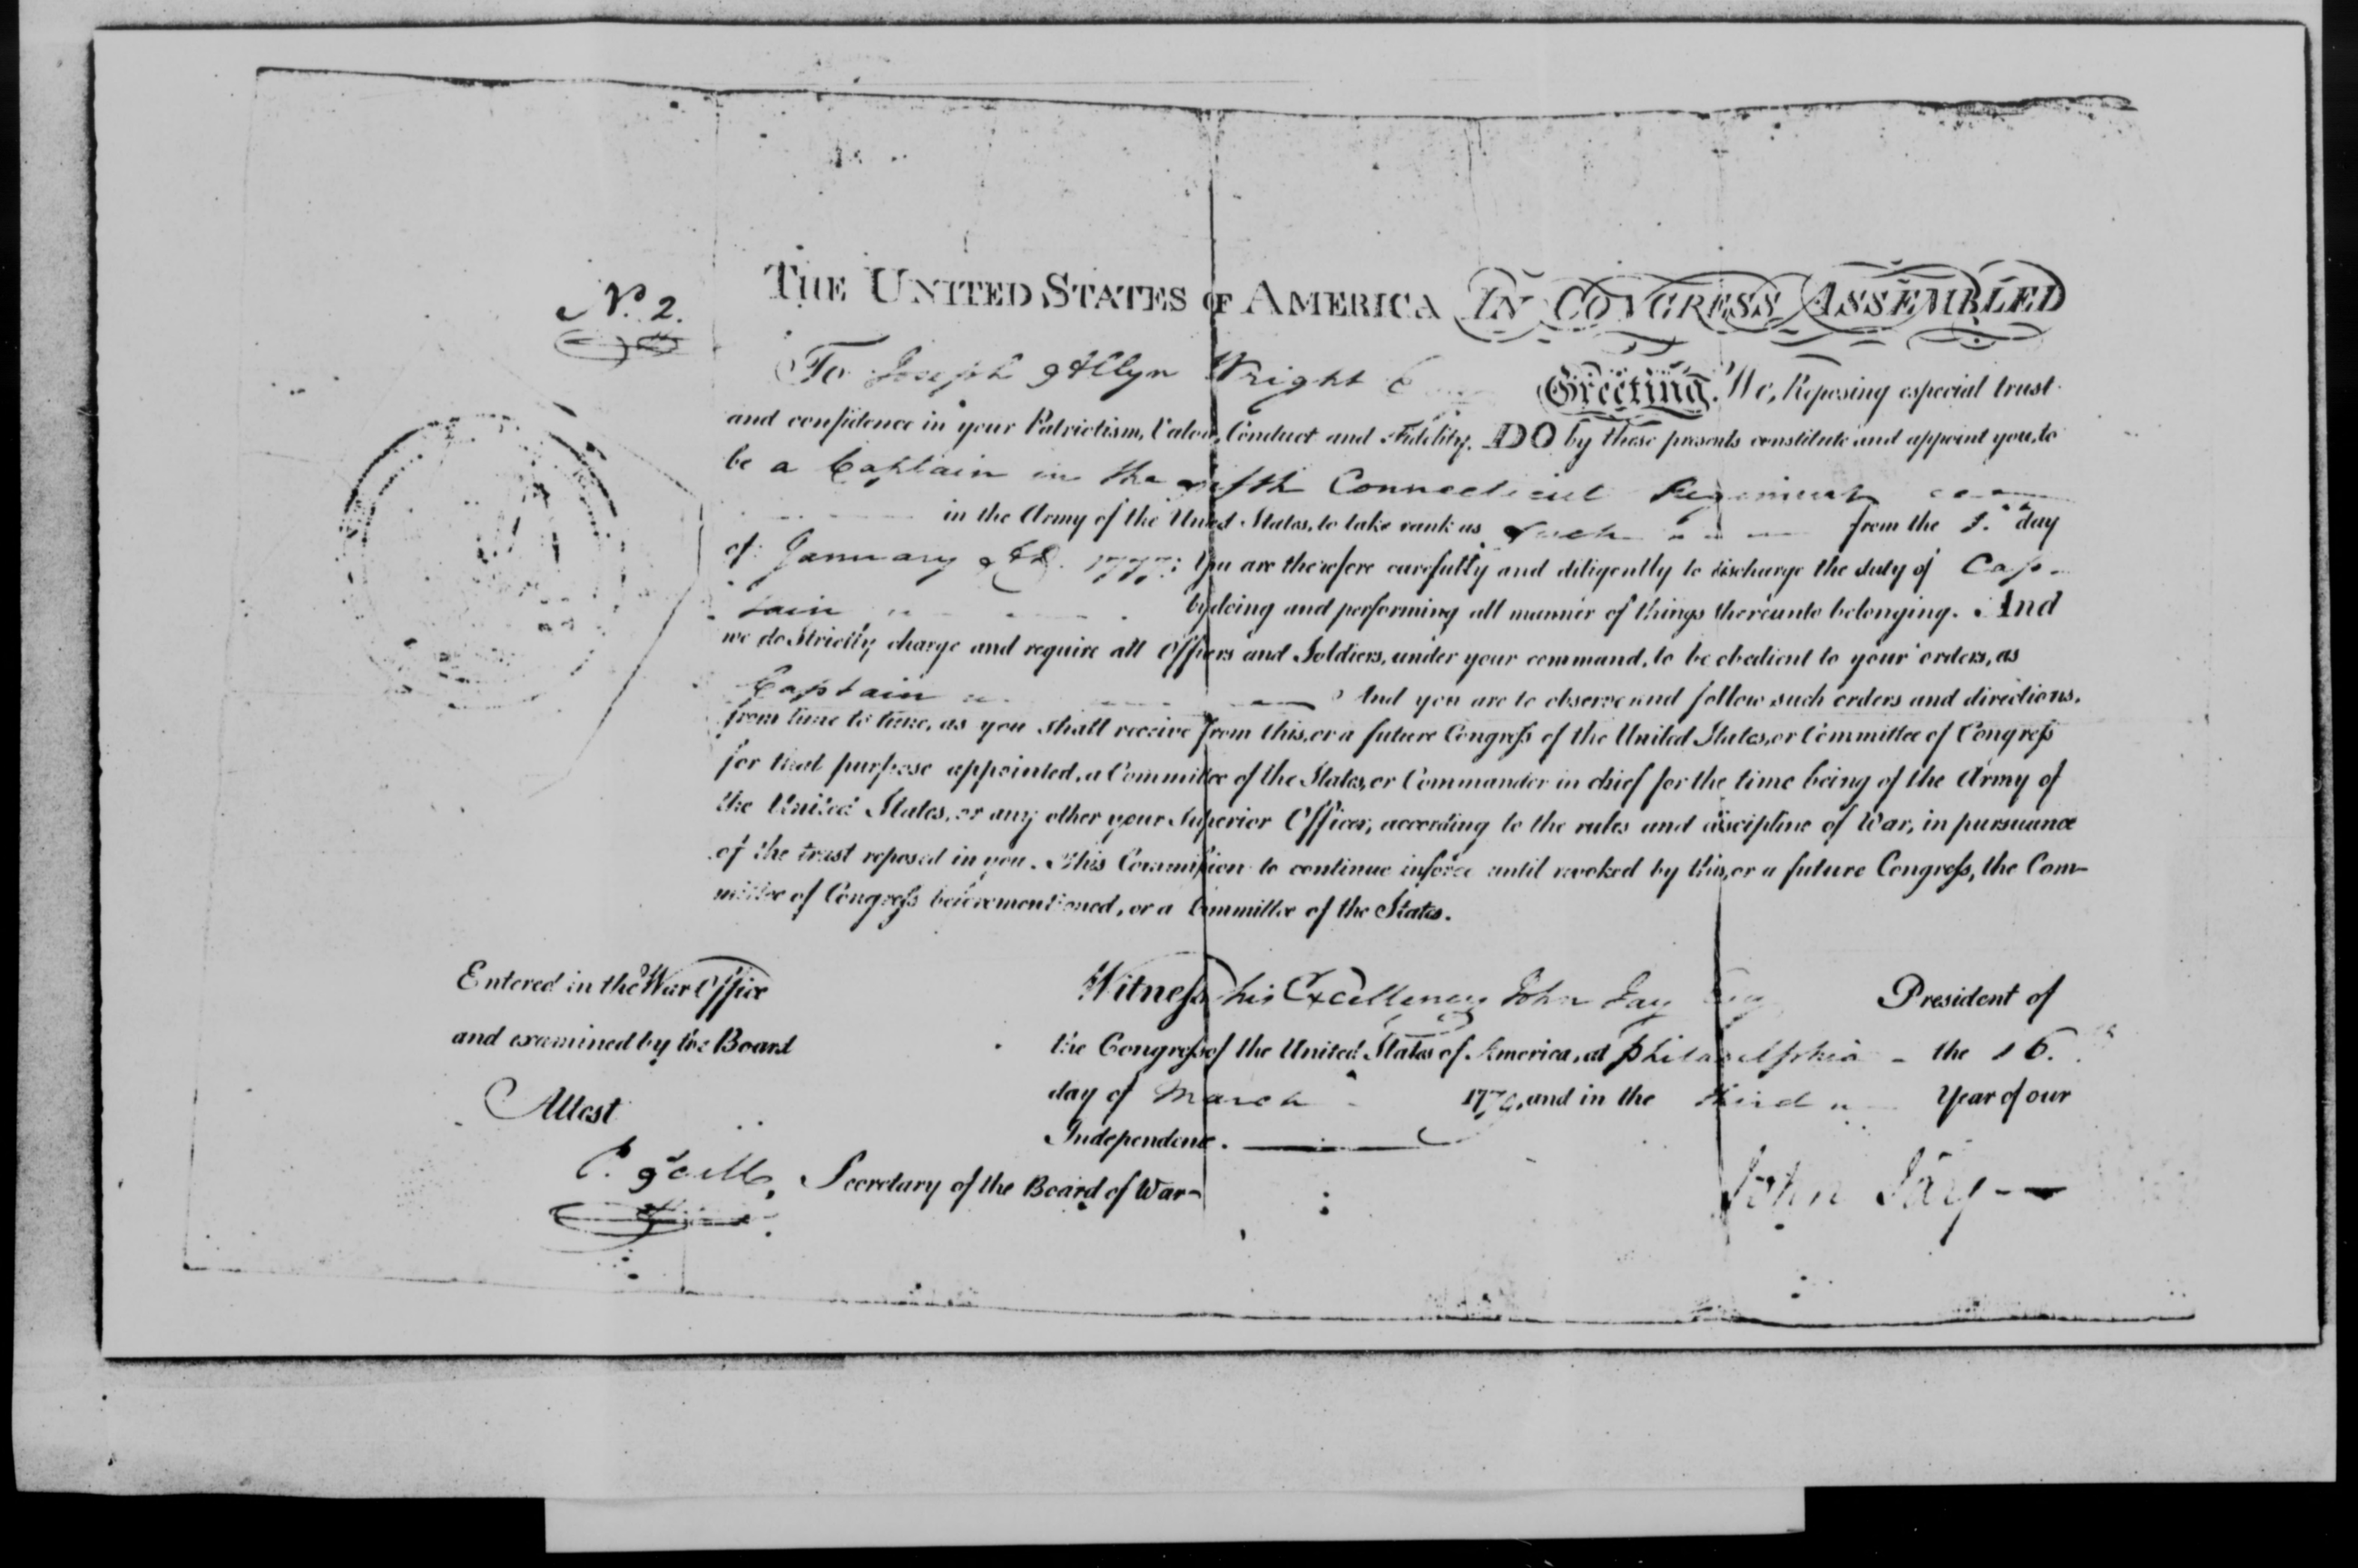The United States of America 
In Congress Assembled
For Joseph Allyn Wright Esq
Greeting.  We, Reposing especial trust
and confidence in your Patriotism, Valor, Conduct and Fidelity, DO by these presents constitute and appoint you, to be a Captain in the fifth Connecticut Regiment in the Army of the United States to take rank as captain from the 1st day of January A.D. 1777: You are therefore carefully and diligently to discharge the duty of Captain
- by doing and performing all manner of things thereunto belonging. And we do strictly charge and require all officers and soldiers under your command to be obedient to your orders as Captain and you are to observe and follow such orders and directions from time to time, as you shall receive for his, or a future Congress of the United States or Committee of Congress
for that purpose appointed a Committee of  the States, or Commander in chief for the time being of the Army of the United States, or any other your Superior Officer, according to the rules and discipline of War, in pursuance of the trust reposed in you. This Commission to continue inforce until revoked by this or a future Congress, the committee of Congress before mentioned or a Committee of the States.

Witness his Excellency John Jay Esquire, President of
the Congress of the United States of America at Philadelphia the 16th day of March 1779 and in the Third Year of our independence
John Jay
Entered in the War Office
and examined by the Board

Attest C. Gaille Secretary of the Board of War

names: Joseph Allyn Wright, John Jay, P Joell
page: 9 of 13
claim: survivor's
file: S. 36855, Joseph Allyn Wright, Conn. Continental